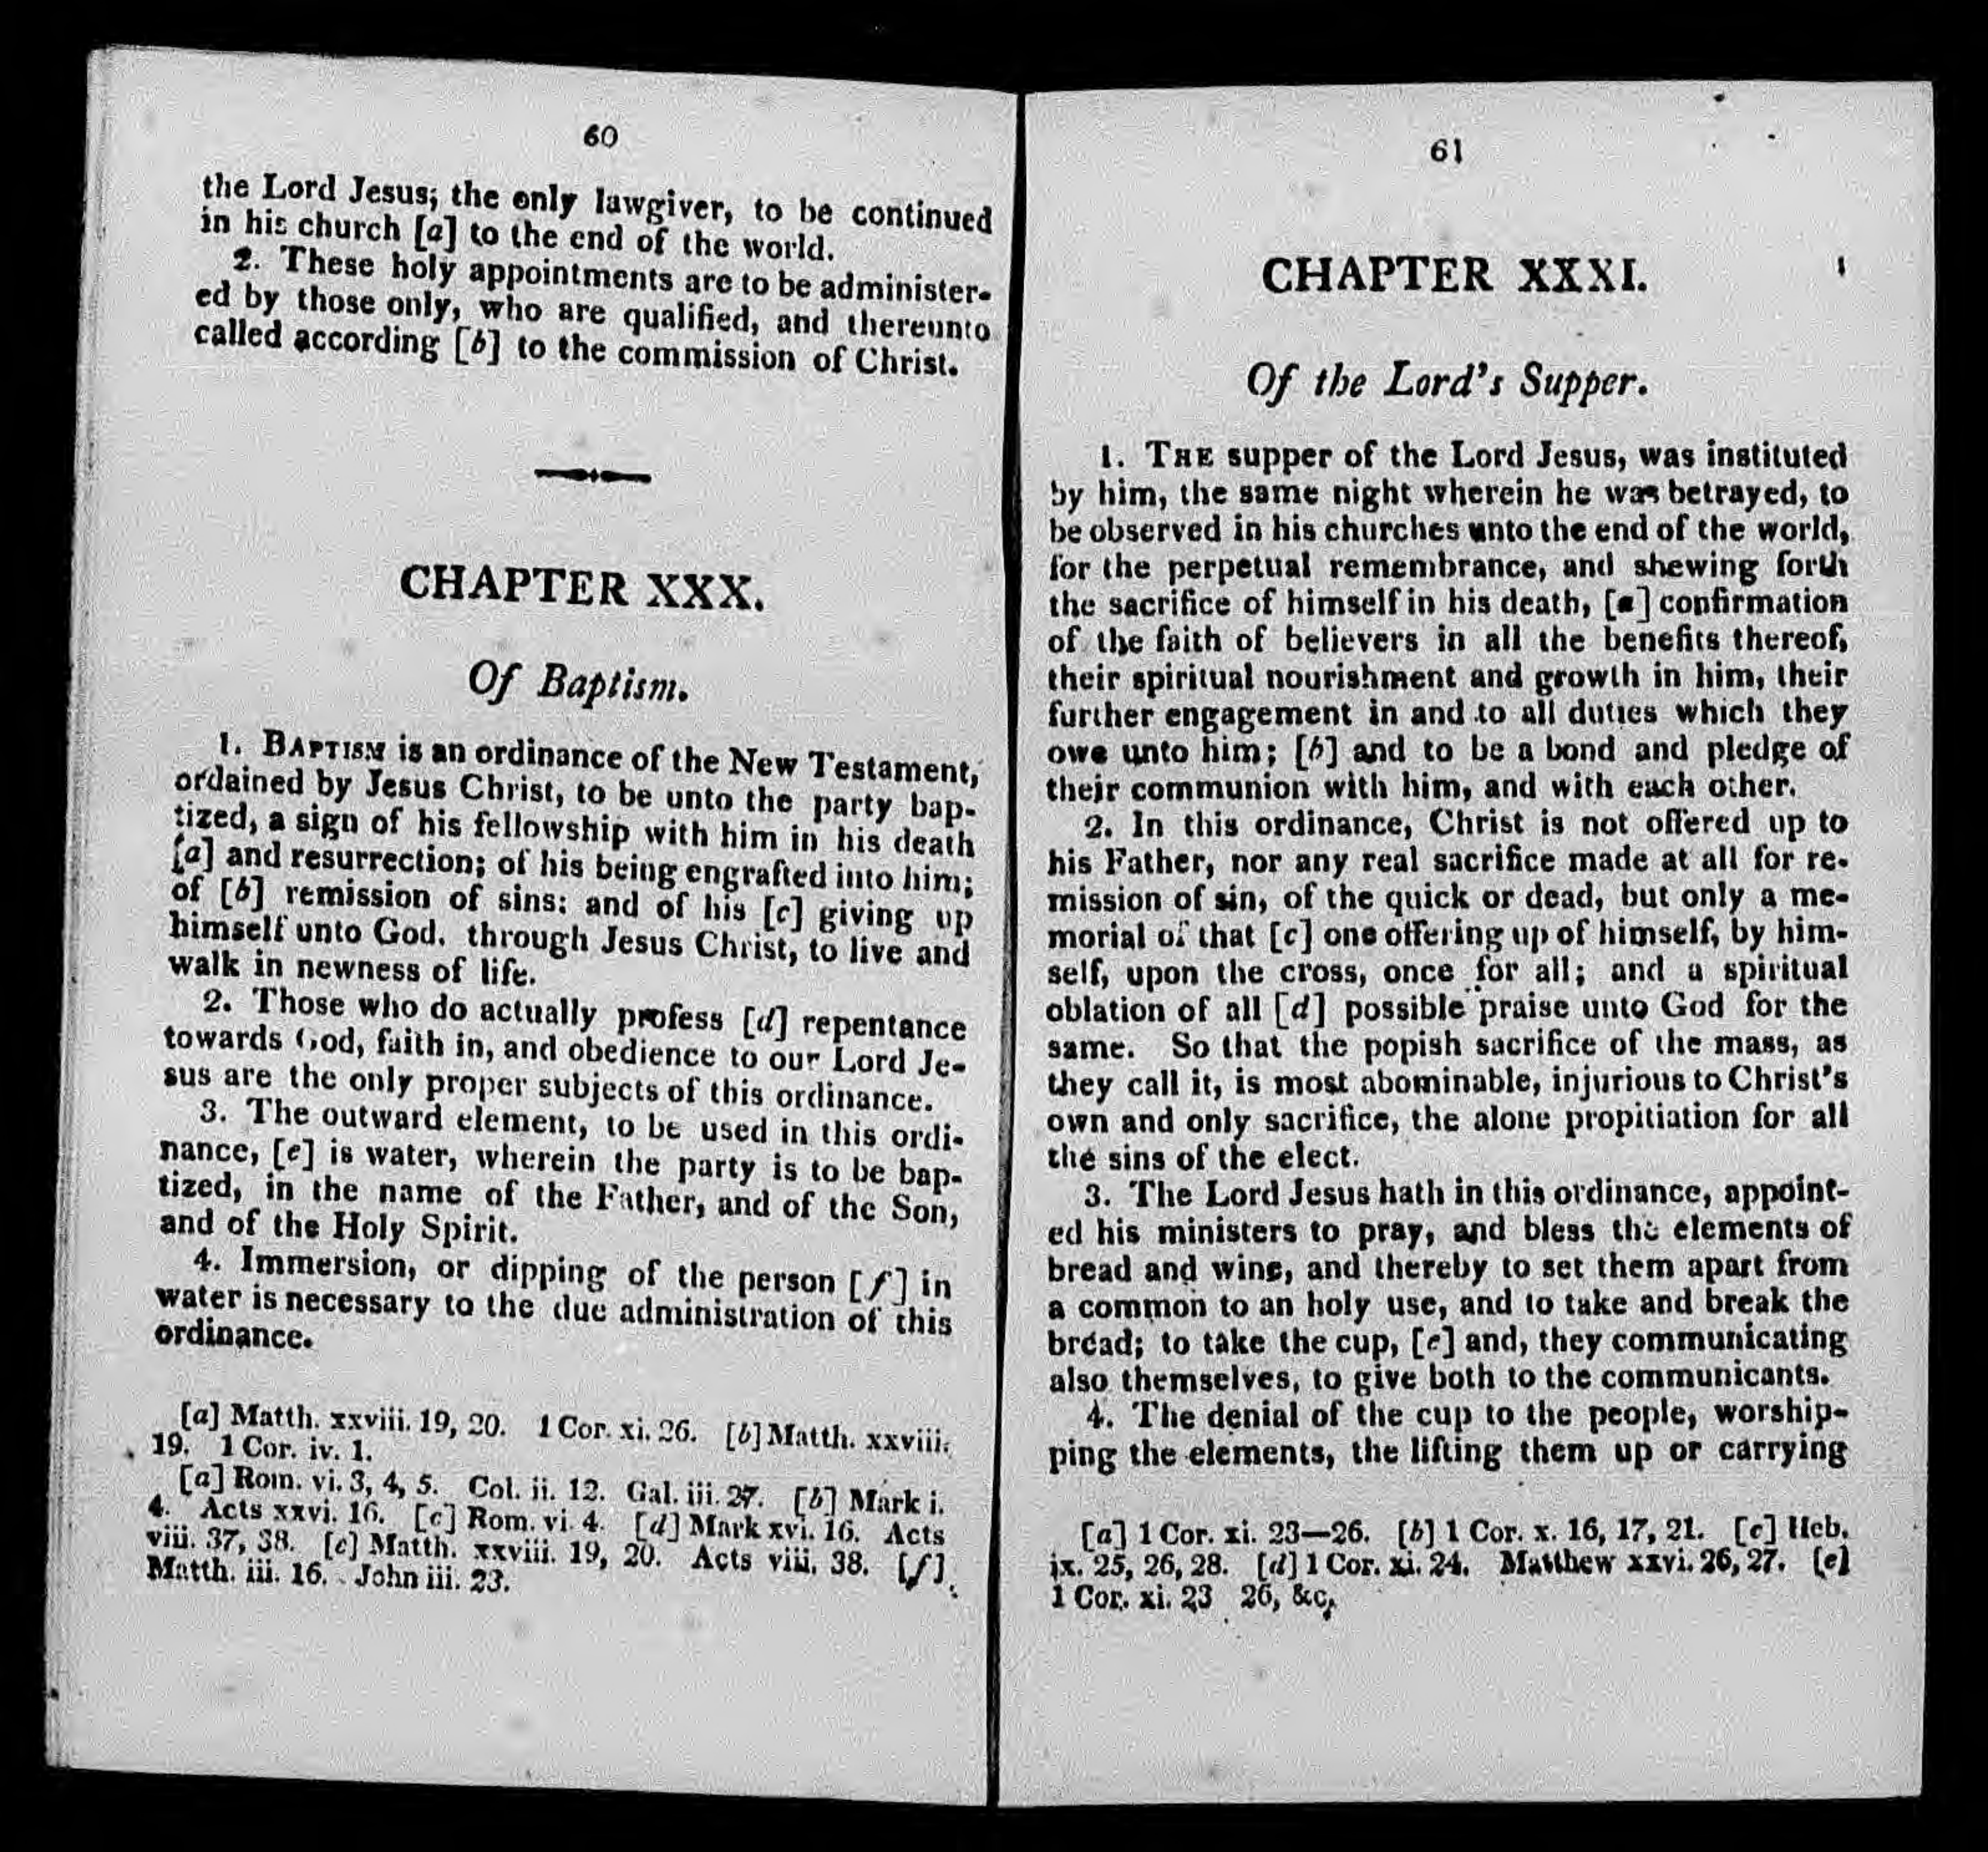60
the Lord Jesus; the only lawgiver, to be continued
in his church [a] to the end of the world.
2. These holy appointments are to be administer
by those only, who are qualified, and thereunto
called according [b] to the commission of Christ.

------

CHAPTER XXX.

Of Baptism.

1. Baptism is an ordinance of the New Testament,
ordained by Jesus Christ, to be unto the party baptized, 
a sign of his fellowship with him in his death
[a] and resurrection; of his being engrafted into him;
of [b] remission of sins: and of his [c] giving up
himself unto God, through Jesus Christ, to live and 
walk in newness of life.
2. Those who do actually profess [d] repentance
towards God, faith in, and obedience to our Lord Jesus
are the only proper subjects of this ordinance.
3. The outward element, to be used in this ordinance,
[e] is water, wherein the party is to be baptized,
in the name of the Father, and of the Son,
and of the Holy Spirit.
4. Immersion, or dipping of the person [f] in
water is necessary to the due administration of this
ordinance.

[a] Matth, xxviii. 19, 20.   1 Cor. xi. 26.   [b] Matth. xxviii,
19.   1 Cor. iv. 1.
[a] Rom. vi. 3, 4, 5.   Col. ii. 12.   Gal. iii. 27.   [b]  Mark i.
4.  Acts xxvi, 16.   [c] Rom. vi. 4.   [d] Mark xvi. 16.   Acts
viii. 37, 38.   [c]  Matth, xxviii: 19, 20.   Acts viii. 38.  [f]
Matth. iii. 16.   John iii. 23.

61

CHAPTER XXXI.
Of the Lord's Supper.

1. The supper of the Lord Jesus, was instituted
by him, the same night wherein he was betrayed, to
be observed in his churches unto the end of the world,
for the perpetual remembrance, and shewing forth
the sacrifice of himself in his death, [a] confirmation
of the faith of believers in all the benefits thereof,
their spiritual nourishment and growth in him, their
further engagement in and to all duties which they
owe unto him; [b] and to be a bond and pledge of
their communion with him, and with each other.
2. In this ordinance, Christ is not offered up to
his Father, nor any real sacrifice made at all for remission
of sin, of the quick or dead, but only a memorial
of that [c] one offering up of himself, by himself, 
upon the cross, once for all; and a spiritual
oblation of all [d] possible praise unto God for the 
same.   So that the popish sacrifice of the mass, as
they call it, is most abominable, injurious to Christ's
own and only sacrifice, the alone propitiation for all
the sins of the elect.
3. The Lord Jesus hath in this ordinance, appoint
ed his ministers to pray, and bless the elements of
bread and wine, and thereby to set them apart from
a common to an holy use, and to take and break the
bread; to take the cup, [e] and, they communicating
also themselves, to give both to the communicants.
4. The denial of the cup to the people, worship
ping the elements, the lifting them up or carrying

[a] 1 Cor. xi. 23 - 26.  [. ] 1 Cor. x. 16, 17, 21.   [c] Heb.  
ix. 25, 26, 28.   [d] 1 Cor. xi. 24.   Matthew xxvi. 26, 27.  [e]
1 Cor. xi. 23 26, &c.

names: Matth, Mark, John, Matth, Matth, Matth, Mark, Matthew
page: 42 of 98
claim: widow's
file: W. 8398, William Broadway, S.C.